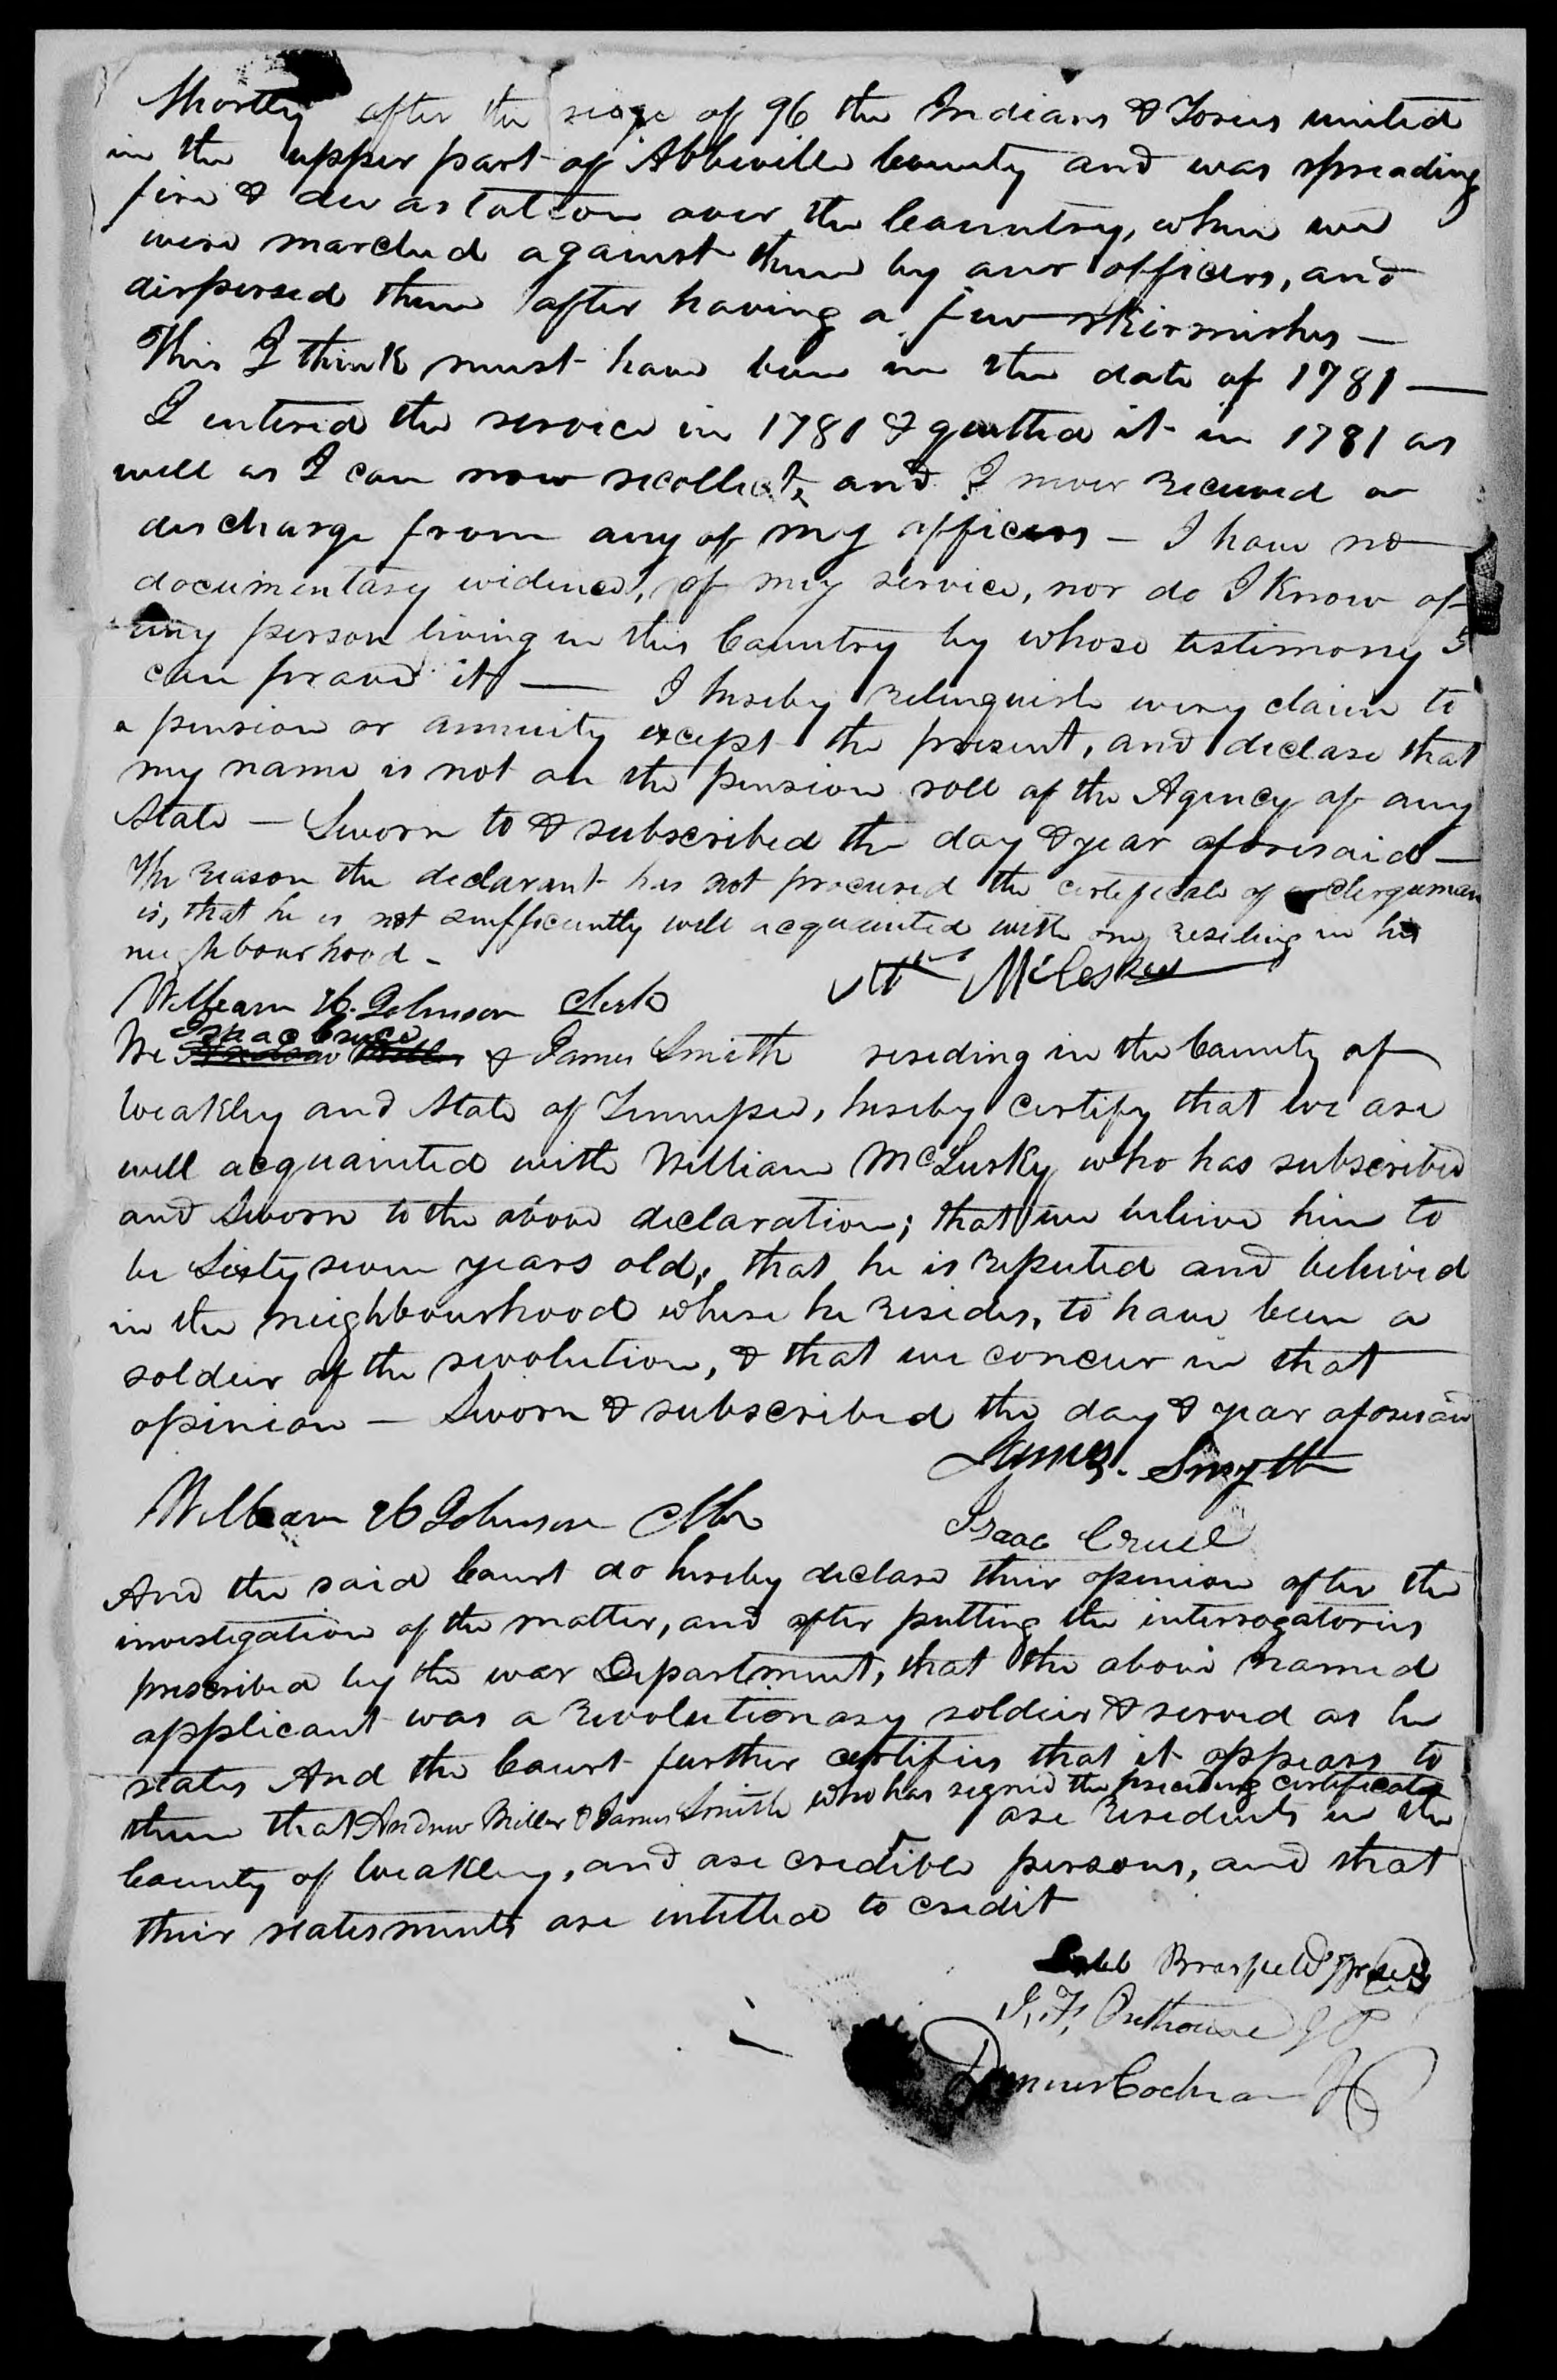Shortly after the siege of 96 the Indians & Tories united in the upper part of Abbeville County and was spreading five & devastation over the County when we were marched against them by our officers, and dispersed them after having a few skirmishes - 
This I think must have been in the date of 1781- I entered the service in 1781 & quitted it in 1781 as well as I can now recollect, and I never received a discharge from any of my officers - I have no documentary evidence of my service, nor do I know of  any person living in this Country by whose testimony I can provide it - I hereby relinquish every claim to a pension or annuity except the present, and declare that my name is not on the pension roll of the Agency of any State - 
Wm McLusky

Sworn to & subscribed the day & year aforesaid The reason the declarant has not procured the certificate of Clergyman is, that he is not sufficiently well acquainted with my residing in his neighbourhood
William U. Johnson Clerk 

Isaac Cruel & James Smith residing in the County of Weakley and State of Tennessee, hereby certify that we are well acquainted with William McLusky who has subscribed and sworn to the above declaration; that we believe him to be sixty seven years old; that he is reputed and believed in the neighbourhood where he resides, to have been a soldier of the revolution, & that we concur in that opinion. 
James Smyth
Isaac Cruel

Sworn & subscribed the day & year aforesaid William U Johnson 

And the said Court do hereby declare their opinion after the investigation of the matter, and after putting the interrogatories prescribed by the war Department, that the above named applicant was a Revolutionary soldier & served as he states And the Court further certifies that it appears to them that Andrew Miller & James Smith who has signed the preceeding certificate as [illegigbke] in the County of Weakley, and are credible persons, and that their statements are entitled to credit 
Caleb Brasfield 
I. F. Outhouse 
Dennis Cochran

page: 5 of 14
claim: survivor's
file: S. 1693, for William Mc Lusky, South Carolina